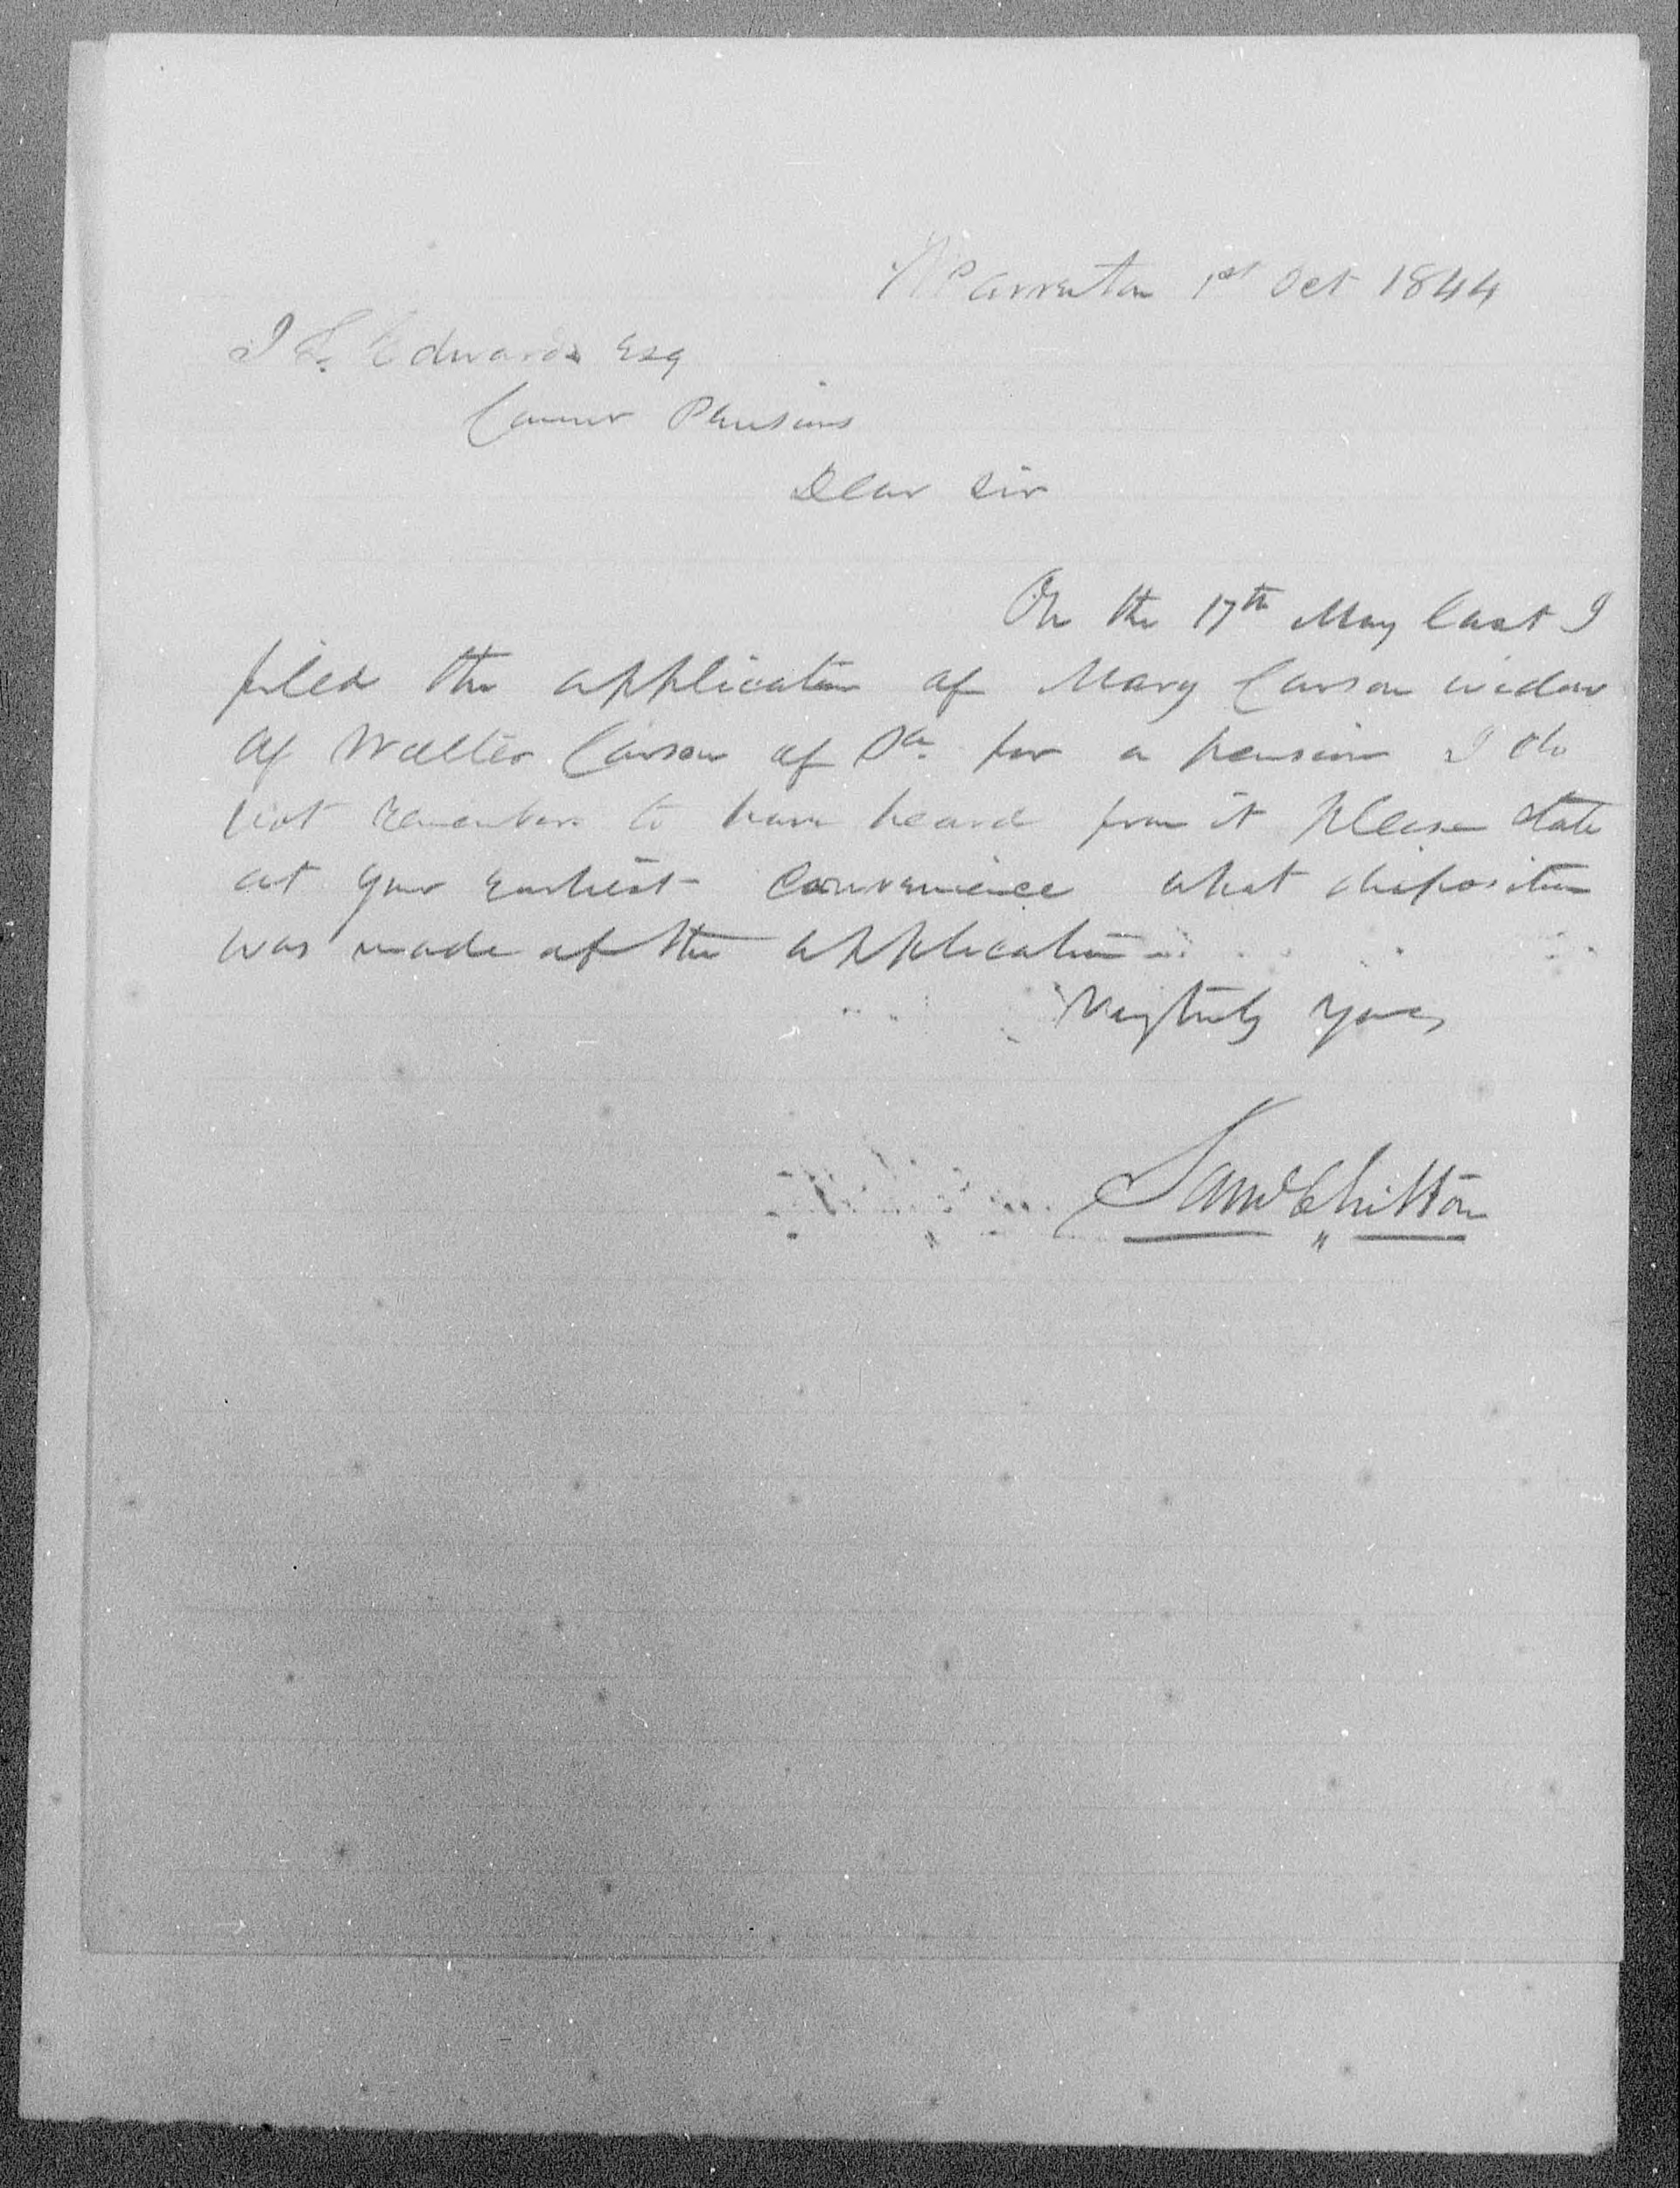Warrenton 1st Oct 1844
J L Edwards Esq
Commr Pensions
Dear Sir
On the 17th May last I filed the application of Mary Carson widow of Walter Carson af sa. for a pension I do not remember to have heard from it please state at your earliest convenience what disposition was made of the application
Mightily yours
Saml Chilton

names: Mary Carson, Walter Carson, Saml Chilton, J L Edwards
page: 16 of 34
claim: rejected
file: R. 1,738, Walter Carson, N.C. S.C.